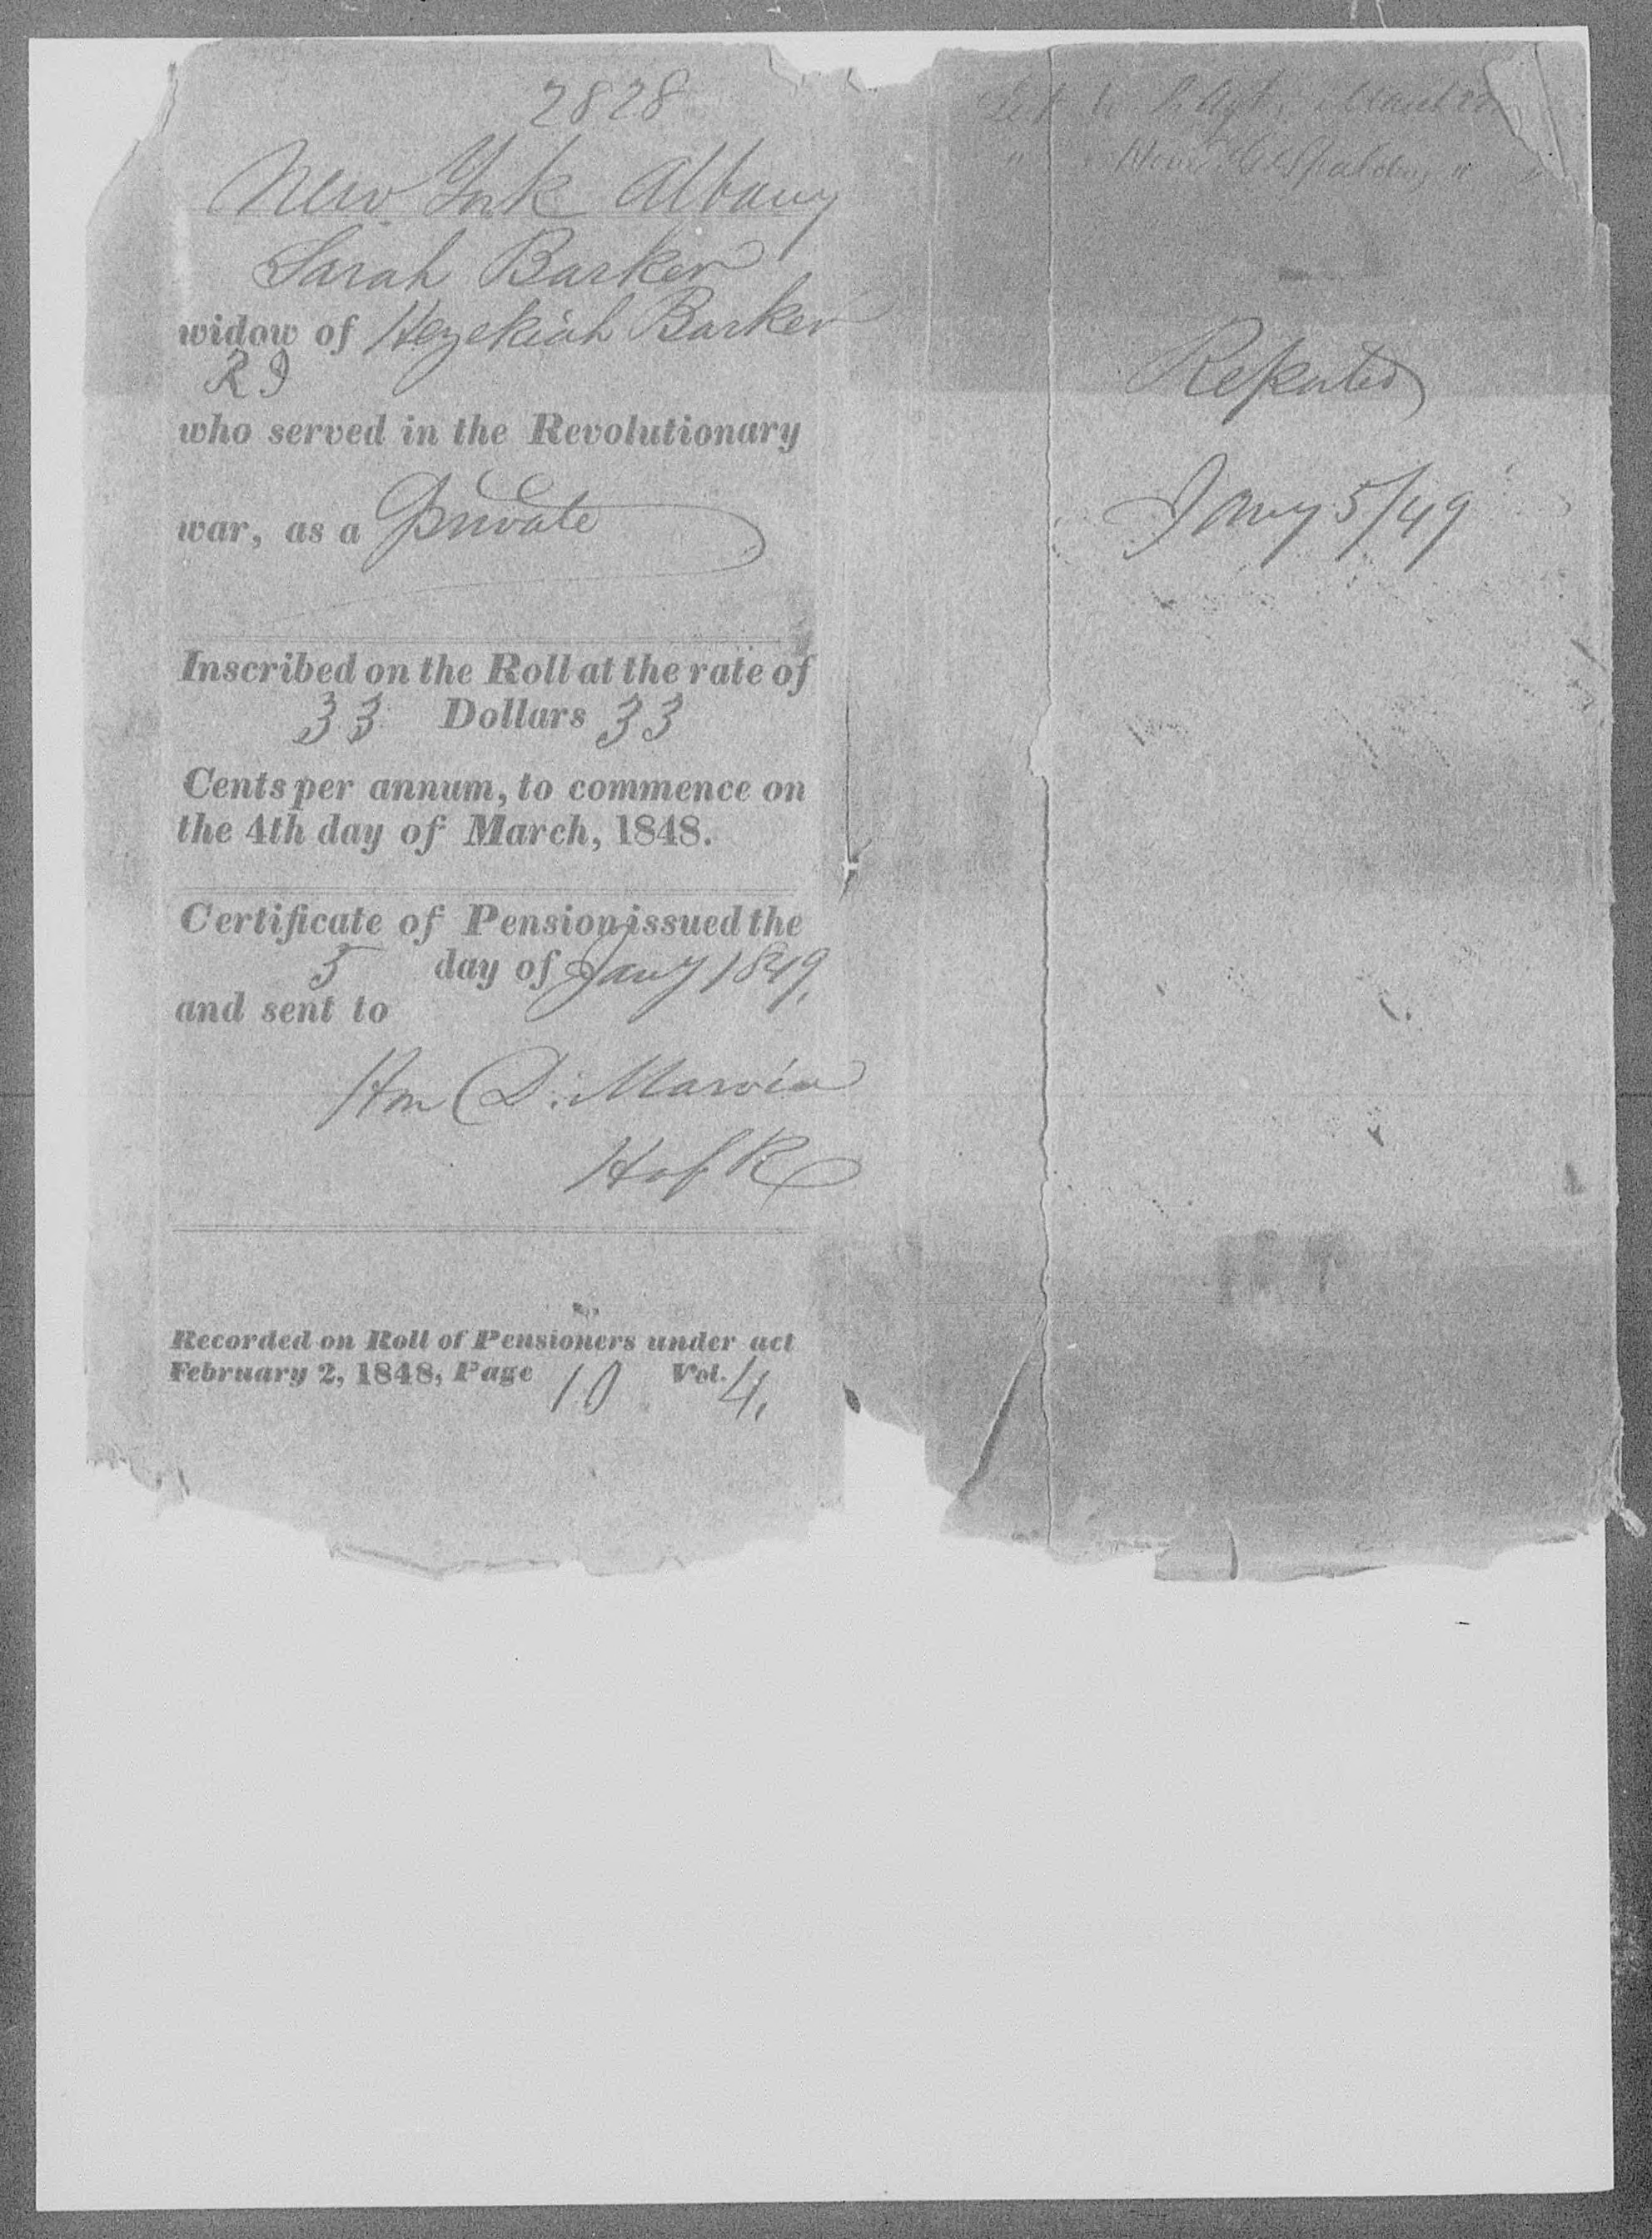2828
New York Albany
Sarah Barker
widow of Hezekiah Barker
R.I.
who served in the Revolutionary
war, as a private
Inscribed on the Roll at the rate of
33 dollars 33
cents per annum, to commence on
the 4th day of ,
March, 1848.
Certificate of Pension issued the
5 day of Jany 1849
and sent to
Hon. D. Marvin
[illegible]
Recorded on Roll of Pensioners under act
February 2, 1948, page 10, vol. 4
Reported
Jany 5/49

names: Hezekiah Barker, D Marvin, Sarah Barker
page: 2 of 52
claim: widow's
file: W. 18,565, Hezekiah Barker, Continental R.I.